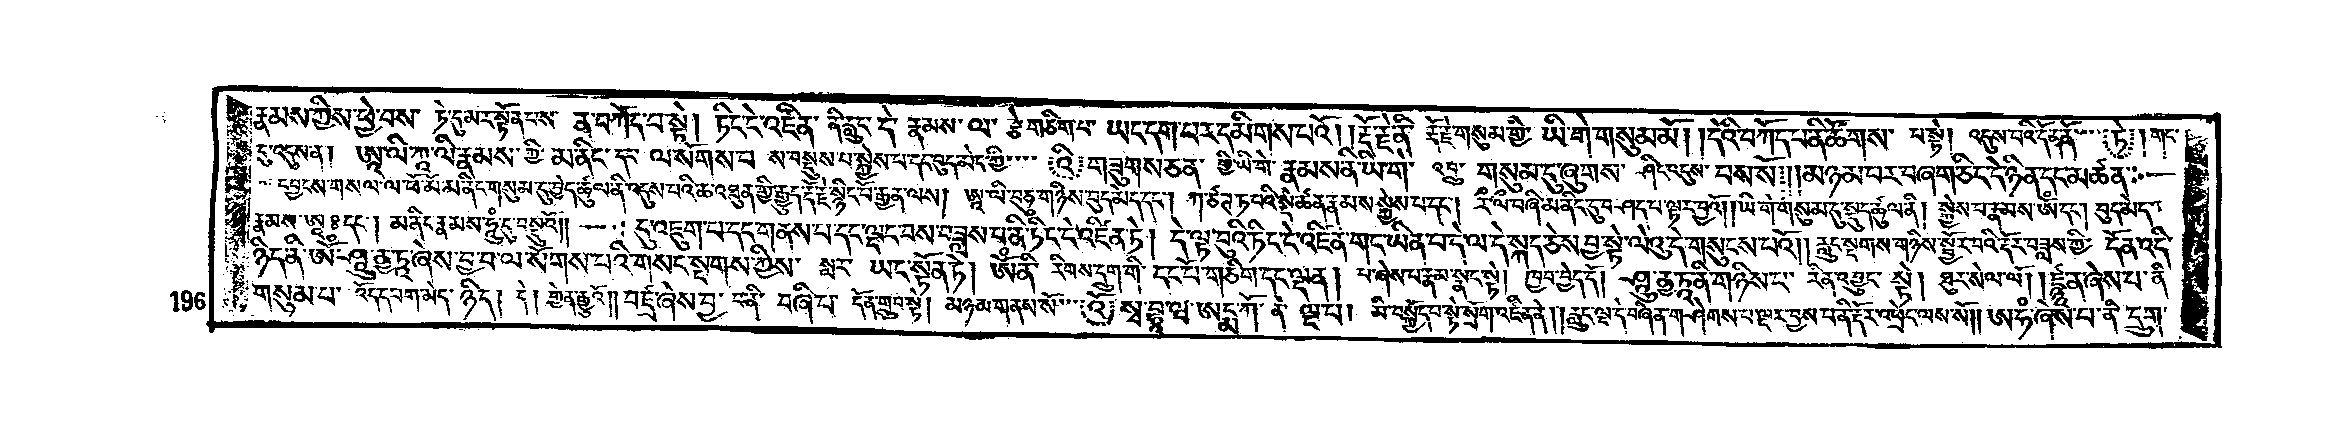རྣམས་ཀྱིས་ཕྱེ་བས་ཏེ་དུ་མར་སྟོན་པས་ན་བཀོད་པ་སྟེ། ཏིང་ངེ་འཛིན་ནི་རླུང་དེ་རྣམས་ལ་རྩེ་གཅིག་པ་ཡང་དག་པར་དམིགས་པའོ། །རྡོ་རྗེ་ནི་རྡོ་རྗེ་གསུམ་གྱི་ཡི་གེ་གསུམ་མོ། །དེའི་བཀོད་པ་ནི་ཚོགས་པ་སྟེ། འདུས་པའི་དོན་ནོ་ཏེ་།གང་
དུ་འདུས་ན། ཨཱ་ལི་ཀཱ་ལི་རྣམས་ཀྱི་མ་ནིང་དང་ལ་སོགས་པས་བསྡུས་པ་སྐྱེས་པ་དང་བུད་མེད་ཀྱི་འི་གཟུགས་ཅན་གྱི་ཡི་གེ་རྣམས་ནི་ཡི་གེ་འབྲུ་གསུམ་དུ་ཞུགས་ཤིང་འདུས་པས་སོ། །མཉམ་པར་བཞག་ཅིང་དེ་ཉིན་དང་མཚན་
༧དབྱངས་གསལ་ལ་ཕོ་མོ་མ་ནིང་གསུམ་དུ་བྱེད་ཚུལ་ནི་འདུས་པའི་ཆ་འཐུན་གྱི་རྒྱུད་རྡོ་རྗེ་སྙིང་པོ་རྒྱན་ལས། ཨཱ་ལི་བཅུ་གཉིས་བུད་མེད་དང་། ཀ་ཙ་ཊ་ཏ་པའི་སྡེ་ཚན་རྣམས་སྐྱེས་པ་དང་། རྀ་ལྀ་བཞི་མ་ནིང་དུ་བཤད་པ་ལྟར་བྱའོ། །ཡི་གེ་གསུམ་དུ་སྡུད་ཚུལ་ནི། སྐྱེས་པ་རྣམས་ཨོཾ་དང་། བུད་མེད་
རྣམས་ཨཱཿ དང་། མ་ནིང་རྣམས་ཧཱུཾ་དུ་བསྡུའོ།། དུ་འཇུག་པ་དང་གནས་པ་དང་ལྡང་པས་བཟླས་པ་ནི་ཏིང་ངེ་འཛིན་ཏེ། དེ་ལྟ་བུའི་ཏིང་ངེ་འཛིན་གང་ཡིན་པ་དེ་ལ་དེ་སྐད་ཅེས་བྱ་སྟེ་ལེའུ་དེ་གསུངས་པའོ། ། རླུང་སྡགས་གཉིས་སྦྱོར་བའི་རྡོར་བཟླས་ཀྱི་དོན་འདི་
ཉིད་ནི་ཨོཾ་ཤཱུ་ནྱ་ཏཱ་ཞེས་བྱ་བ་ལ་སོགས་པའི་གསང་སྔགས་ཀྱིས་སླར་ཡང་སྟོན་ཏེ། ཨོཾ་ནི་རིགས་དྲུག་གི་དང་པོ་གཅིག་དང་ལྡན། པ་ཞེས་པ་རྣམ་སྣང་སྟེ། ཁྱབ་བྱེད་དོ། ཤཱུ་ནྱ་ཏཱ་ནི་གཉིས་པ་རིན་འབྱུང་སྟེ། ཐུར་སེལ་ལོ། །ཛྙཱ་ན་ཞེས་པ་ནི
གསུམ་པ་འོད་དཔག་མེད་ཉིད། དེ། ཕྱེན་རྒྱུའོ།།  བཛྲ་ཞེས་བྱ་བ་ནི་བཞི་པ་དོན་གྲུབ་སྟེ། མཉམ་གནས་སོ་འོ་སྭ་བྷཱ་ཝ་ཨདམ་ཀོ་ནི་ལྔ་པ། མི་བསྐྱོད་པ་སྟེ་སྲོག་འཛིན་ནོ། །རླུང་ལྔ་དེ་བཞིན་གཤེགས་པ་ལྔར་བྱས་པ་ནི་རྡོར་འཕྲེང་ལས་སོ། །ཨ་ཧཾ་ཞེས་པ་ནི་དྲུག་